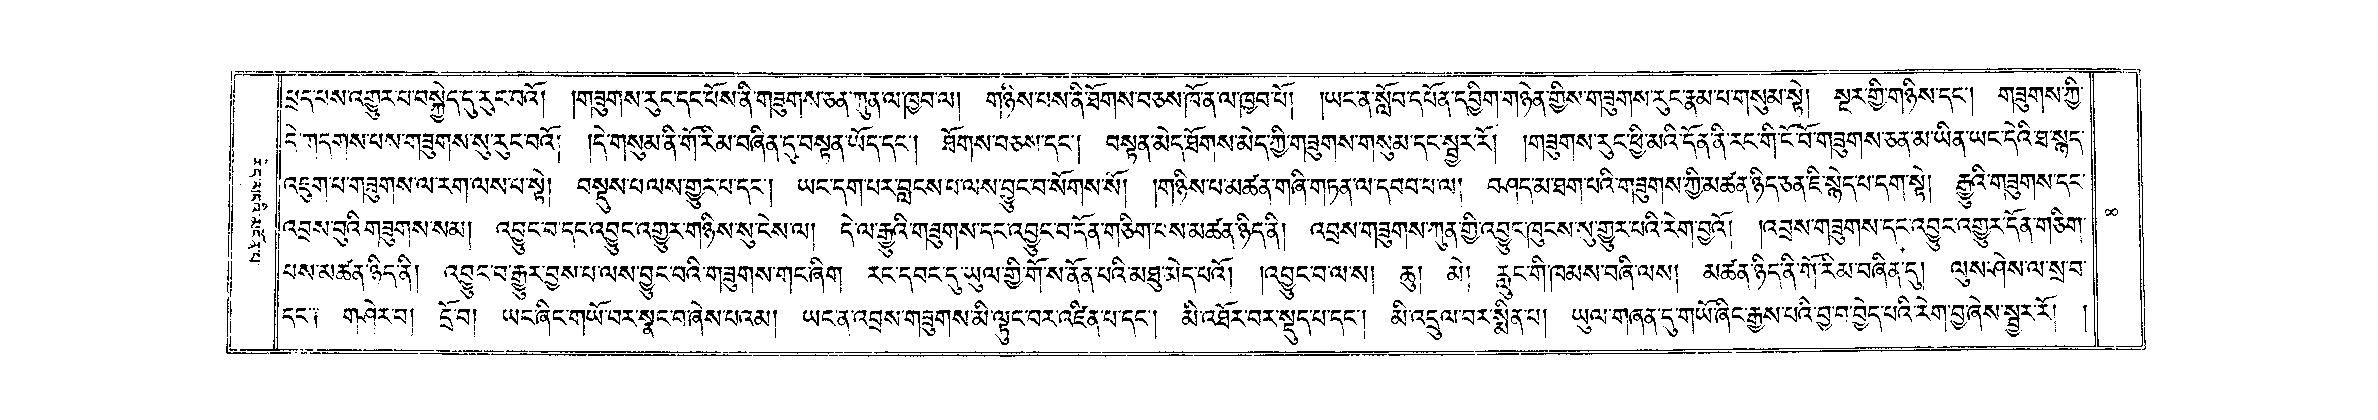ཕྲད་པས་འགྱུར་པ་བསྐྱེད་དུ་རུང་བའོ། །གཟུགས་རུང་དང་པོས་ནི་གཟུགས་ཅན་ཀུན་ལ་ཁྱབ་ལ། གཉིས་པས་ནི་ཐོགས་བཅས་ཁོ་ན་ལ་ཁྱབ་པོ། །ཡང་ན་སློབ་དཔོན་དབྱིག་གཉེན་གྱིས་གཟུགས་རུང་རྣམ་པ་གསུམ་སྟེ། སྔར་གྱི་གཉིས་དང་། གཟུགས་ཀྱི་
དེ་གདགས་པས་གཟུགས་སུ་རུང་བའོ། །དེ་གསུམ་ནི་གོ་རིམ་བཞིན་དུ་བསྟན་ཡོད་དང་། ཐོགས་བཅས་དང་། བསྟན་མེད་ཐོགས་མེད་ཀྱི་གཟུགས་གསུམ་དང་སྦྱར་རོ། །གཟུགས་རུང་ཕྱི་མའི་དོན་ནི་རང་གི་ངོ་བོ་གཟུགས་ཅན་མ་ཡིན་ཡང་དེའི་ཐ་སྙད་
འཇུག་པ་གཟུགས་ལ་རག་ལས་པ་སྟེ། བསྡུས་པ་ལས་གྱུར་པ་དང་། ཡང་དག་པར་བླངས་པ་ལས་བྱུང་བ་སོགས་སོ། །གཉིས་པ་མཚན་གཞི་གཏན་ལ་དབབ་པ་ལ། བཤད་མ་ཐག་པའི་གཟུགས་ཀྱི་མཚན་ཉིད་ཅན་ཇི་སྙེད་པ་དག་སྟེ། རྒྱུའི་གཟུགས་དང་
འབྲས་བུའི་གཟུགས་སམ། འབྱུང་བ་དང་འབྱུང་འགྱུར་གཉིས་སུ་ངེས་ལ། དེ་ལ་རྒྱུའི་གཟུགས་དང་འབྱུང་བ་དོན་གཅིག་པས་མཚན་ཉིད་ནི། འབྲས་གཟུགས་ཀུན་གྱི་འབྱུང་ཁུངས་སུ་གྱུར་པའི་རེག་བྱའོ། །འབྲས་གཟུགས་དང་འབྱུང་འགྱུར་དོན་གཅིག་
པས་མཚན་ཉིད་ནི། འབྱུང་བ་རྒྱུར་བྱས་པ་ལས་བྱུང་བའི་གཟུགས་གང་ཞིག་རང་དབང་དུ་ཡུལ་གྱི་གོ་ས་ནོན་པའི་མཐུ་མེད་པའོ། །འབྱུང་བ་ལས། ཆུ། མེ། རླུང་གི་ཁམས་བཞི་ལས། མཚན་ཉིད་ནི་གོ་རིམ་བཞིན་དུ། ལུས་ཤེས་ལ་སྲ་བ་
དང༑ གཤེར་བ། དྲོ་བ། ཡང་ཞིང་གཡོ་བར་སྣང་བ་ཞེས་པའམ། ཡང་ན་འབྲས་གཟུགས་མི་ལྟུང་བར་འཛིན་པ་དང་། མི་འཐོར་བར་སྡུད་པ་དང་། མི་འདྲུལ་བར་སྨིན་པ། ཡུལ་གཞན་དུ་གཡོ་ཞིང་རྒྱས་པའི་བྱ་བ་བྱེད་པའི་རེག་བྱ་ཞེས་སྦྱར་རོ། །